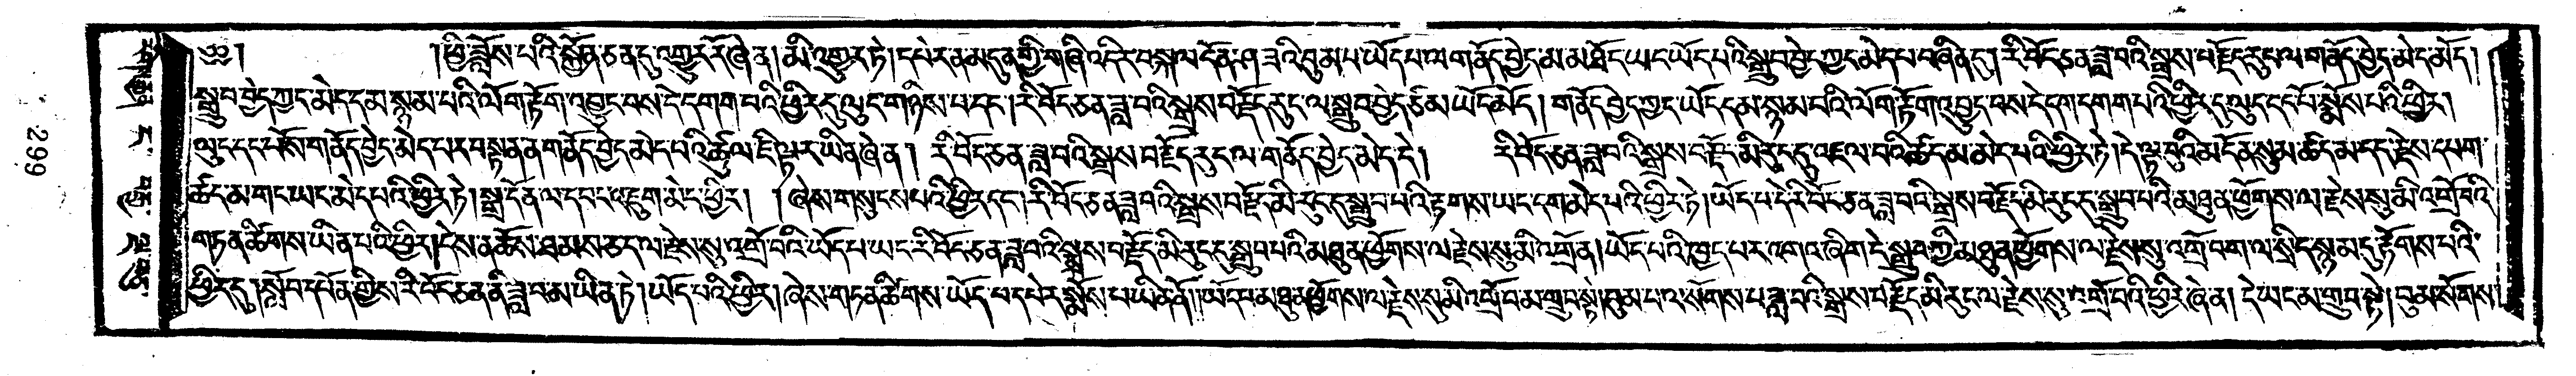༄༅། །ཕྱི་ཟློས་པའི་སྐྱོན་ཅན་དུ་འགྱུར་རོ་ཞེ་ན། མི་འགྱུར་ཏེ། དཔེར་ན་མདུན་གྱི་གཞི་འདིར་བསྐལ་དོན་ཤ་ཟའི་བུམ་པ་ཡོད་པ་ལ་གནོད་བྱེད་མ་མཐོང་ཡང་ཡོད་པའི་སྒྲུབ་བྱེད་ཀྱང་མེད་པ་བཞིན་དུ། རི་བོང་ཅན་ཟླ་བའི་སྒྲས་བརྗོད་རུང་ལ་གནོད་བྱེད་མེད་མོད།
སྒྲུབ་བྱེད་ཀྱང་མེད་དམ་སྙམ་པའི་ལོག་རྟོག་འབྱུང་བས་དེ་དགག་པའི་ཕྱིར་དུ་ལུང་གཉིས་པ་དང་། རི་བོང་ཅན་ཟླ་བའི་སྒྲས་བརྗོད་རུང་ལ་སྒྲུབ་བྱེད་ཙམ་ཡོད་མོད། གནོད་བྱེད་ཀྱང་ཡོད་དམ་སྙམ་པའི་ལོག་རྟོག་འབྱུང་བས་དེ་དག་དགག་པའི་ཕྱིར་དུ་ལུང་དང་པོ་སྨོས་པའི་ཕྱིར།
ལུང་དང་པོས་གནོད་བྱེད་མེད་པར་བསྟན་ན་གནོད་བྱེད་མེད་པའི་ཚུལ་ཇི་ལྟར་ཡིན་ཞེ་ན། རི་བོང་ཅན་ཟླ་བའི་སྒྲས་བརྗོད་རུང་ལ་གནོད་བྱེད་མེད་དེ་། རི་བོང་ཅན་ཟླ་བའི་སྒྲས་བརྗོད་མི་རུང་དུ་འཇལ་བའི་ཚད་མ་མེད་པའི་ཕྱིར་ཏེ། དེ་ལྟ་བུའི་མངོན་སུམ་ཚད་མ་དང་རྗེས་དཔག་
ཚད་མ་གང་ཡང་མེད་པའི་ཕྱིར་ཏེ། སྒྲ་དོན་ལ་དབང་འཇུག་མེད་ཕྱིར། །ཞེས་གསུངས་པའི་ཕྱིར་དང་། རི་བོང་ཅན་ཟླ་བའི་སྒྲས་བརྗོད་མི་རུང་དུ་སྒྲུབ་པའི་རྟགས་ཡང་དག་མེད་པའི་ཕྱིར་ཏེ། ཡོད་པ་དེ་རི་བོང་ཅན་ཟླ་བའི་སྒྲས་བརྗོད་མི་རུང་དུ་སྒྲུབ་པའི་མཐུན་ཕྱོགས་ལ་རྗེས་སུ་མི་འགྲོ་བའི་
གཏན་ཚིགས་ཡིན་པའི་ཕྱིར། དེས་ན་ཆོས་ཐམས་ཅད་ལ་རྗེས་སུ་འགྲོ་བའི་ཡོད་པ་ཡང་རི་བོང་ཅན་ཟླ་བའི་སྒྲས་བརྗོད་མི་རུང་དུ་སྒྲུབ་པའི་མཐུན་ཕྱོགས་ལ་རྗེས་སུ་མི་འགྲོ་ན། ཡོད་པའི་ཁྱད་པར་འགའ་ཞིག་དེ་སྒྲུབ་ཀྱི་མཐུན་ཕྱོགས་ལ་རྗེས་སུ་འགྲོ་བ་ག་ལ་སྲིད་སྙམ་དུ་རྟོགས་པའི་
ཕྱིར་དུ། སློབ་དཔོན་གྱིས་རི་བོང་ཅན་ནི་ཟླ་བ་མ་ཡིན་ཏེ། ཡོད་པའི་ཕྱིར། ཞེས་གཏན་ཚིགས་ཡོད་པ་དཔེར་སྨོས་པ་ཡིན་ནོ། །ཡོད་པ་མཐུན་ཕྱོགས་ལ་རྗེས་སུ་མི་འགྲོ་བ་མ་གྲུབ་སྟེ། བུམ་པ་ལ་སོགས་པ་ཟླ་བའི་སྒྲས་བརྗོད་མི་རུང་ལ་རྗེས་སུ་འགྲོ་བའི་ཕྱིར་ཞེ་ན། དེ་ཡང་མ་གྲུབ་སྟེ། བུམ་སོགས་